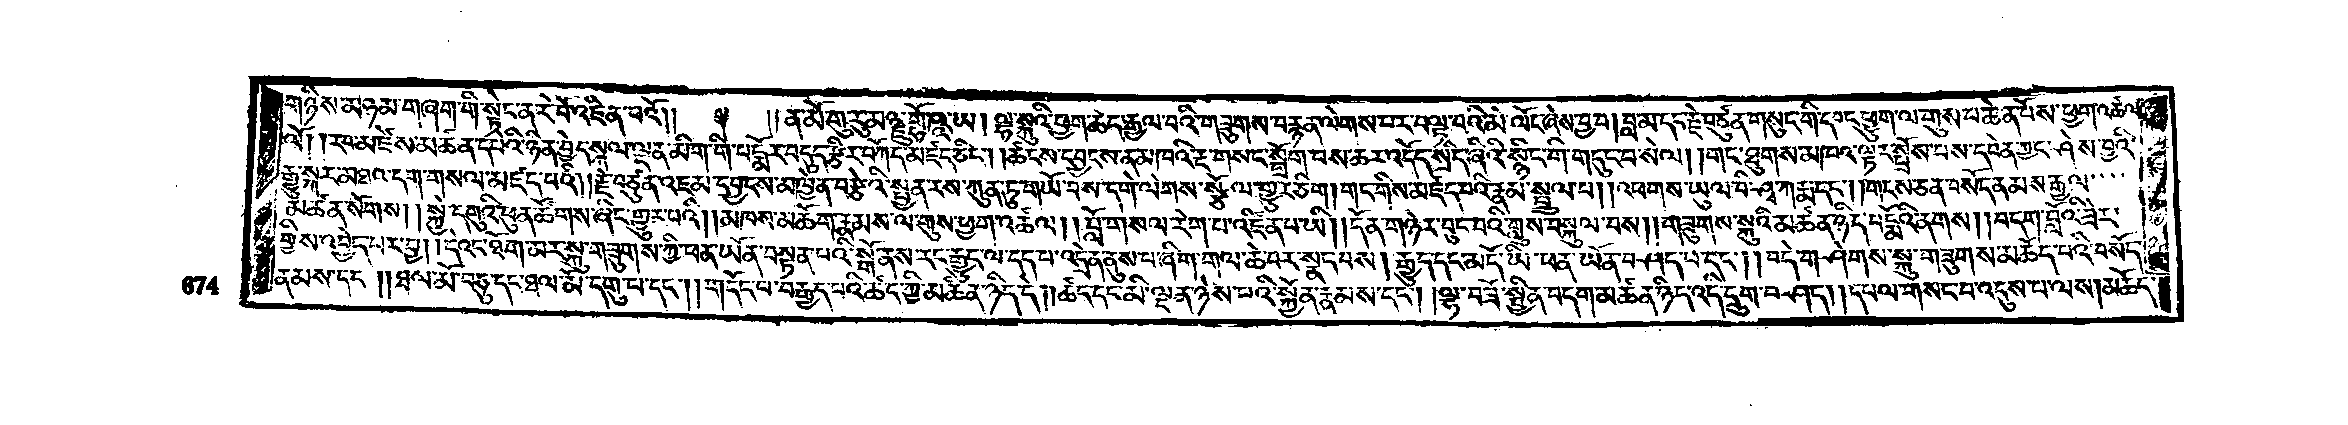གཉིས་མཉམ་གཞག་གི་སྟེང་ན་རེ་བོ་འཛིན་པའོ།། ༈ །།ན་མོ་གུ་རུ་མཉྫུ་གྷོ་ཥཱ་ཡ། ལྷ་སྐུའི་ཕྱག་ཆེད་རྒྱལ་བའི་གཟུགས་བརྙན་ལེགས་པར་བལྟ་བའི་མེ་ལོང་ཞེས་བྱ་བ། བླ་མ་དང་རྗེ་བཙུན་གསུང་གི་དབང་ཕྱུག་ལ་གུས་པ་ཆེན་པོས་ཕྱག་འཚལ་
ལོ། །རབ་མཛེས་མཚན་དཔེའི་ཉིན་བྱེད་སྐལ་ལྡན་མིག་གི་པདམོར་བདུད་རྩིར་བཀོད་མཛད་ཅིང་། །ཚངས་དབྱངས་ནམ་མཁའི་རྡ་གསང་སྒྲོག་བས་ཆར་འདོད་སྲིད་ཞིའི་སྙིང་གི་གདུང་བ་སེལ། །གང་ཐུགས་མཁའ་ལྟར་སྤྲོས་པས་དབེན་ཀྱང་ཤེས་བྱའི་
རྒྱུ་སྐར་མཐའ་དག་གསལ་མཛད་པའི། །རྗེ་བཙུན་འཇམ་དབྱངས་མཁྱེན་བརྩེའི་སྤྱན་རས་ཀུན་ཏུ་གཡོ་བས་དགེ་ལེགས་སྩོལ་གྱུར་ཅིག །གང་གིས་མཛད་པའི་རྣམ་སྤྲུལ་པ། །འཕགས་ཡུལ་བི་ཤྭ་ཀརྨ་དང་། །གངས་ཅན་བསོད་ནམས་རྒྱལ་
མཚན་སོགས། །སྐྱེ་དགུའི་ཕུན་ཚོགས་ཞིང་གྱུར་པའི། །མཁས་མཆོག་རྣམས་ལ་གུས་ཕྱག་འཚལ། །བློ་གསལ་རེག་པ་འཛིན་པ་ཡི། །དོན་གཉེར་བུང་བའི་གླུས་བསྐུལ་བས། །གཟུགས་སྐུའི་མཚན་ཉིད་པདམོའི་ནགས། །བདག་བློའི་ཟེར་
གྱིས་འབྱེད་པར་བྱ། །དེའང་ཐོག་མར་སྐུ་གཟུགས་ཀྱི་ཕན་ཡོན་བསྟན་པའི་སྒོ་ནས་རང་རྒྱུད་ལ་དད་པ་འདྲེན་ནུས་པ་ཞིག་གལ་ཆེ་བར་སྣང་བས། རྒྱུད་དང་མདོ་ཡི་ཕན་ཡོན་བཤད་པ་དང་། །བདེ་གཤེགས་སྐུ་གཟུགས་མཆོད་པའི་བསོད་
ནམས་དང་། །ཐལ་མོ་བཅུ་དང་ཐལ་མོ་དགུ་པ་དང་། །གདོད་པ་བརྒྱད་པའི་ཚད་ཀྱི་མཚན་ཉིད་དེ། །ཚད་དང་མི་ལྡན་ཉེས་པའི་སྐྱོན་རྣམས་དང་། །ལྷ་བཟོ་སྦྱིན་བདག་མཚན་ཉིད་འདི་དྲུག་བཤད། །དཔལ་གསང་བ་འདུས་པ་ལས། མཆོད་